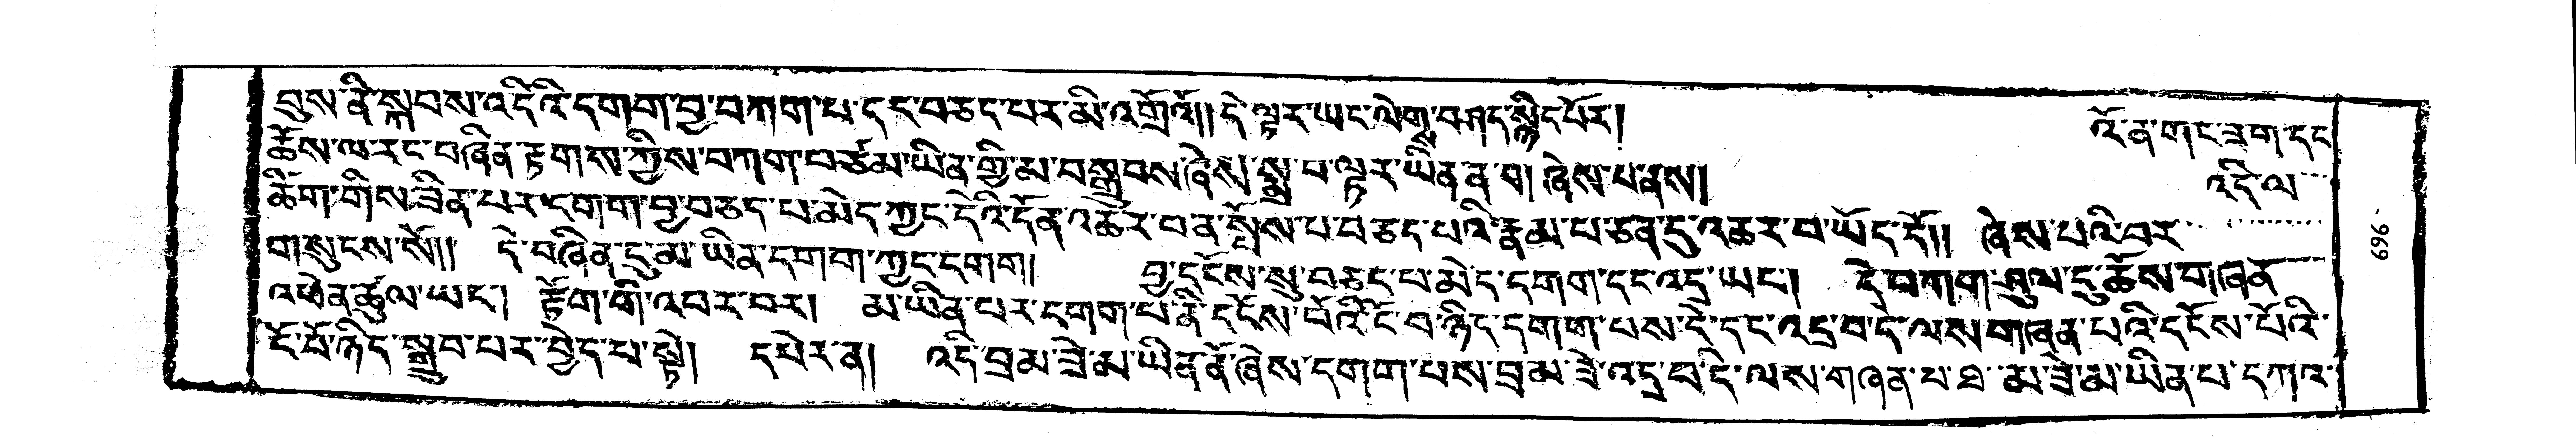བུས་ནི་སྐབས་འདིའི་དགག་བྱ་བཀག་པ་དང་བཅད་པར་མི་འགྲོའོ།། དེ་ལྟར་ཡང་ལེགས་བཤད་སྙིང་པོར། འོ་ན་གང་ཟག་དང་
ཆོས་ལ་རང་བཞིན་རྟགས་ཀྱིས་བཀག་པ་ཙམ་ཡིན་གྱི་མ་བསྒྲུབས་ཞེས་སྨྲ་བ་ལྟར་ཡིན་ན་བ། ཞེས་པ་ནས། འདི་ལ་
ཚིག་གིས་ཟིན་པར་དགག་བྱ་བཅད་པ་མེད་ཀྱང་དེའི་དོན་འཆར་བ་ན་སྤོས་པ་བཅད་པའི་རྣམ་པ་ཅན་དུ་འཆར་བ་ཡོད་དོ།། ཞེས་པའི་བར་
གསུངས་སོ།། དེ་བཞིན་དུ་མ་ཡིན་དགག་ཀྱང་དགག། བྱ་དངོས་སུ་བཅད་པ་མེད་དགག་དང་འདྲ་ཡང་། དེ་བཀག་ཤུལ་དུ་ཆོས་གཞན་
འཕེན་ཚུལ་ཡང་། རྟོག་གི་འབར་བར། མ་ཡིན་པར་དགག་པ་ནི་དངོས་པོའི་ངོ་བོ་ཉིད་དགག་པས་དེ་དང་འདྲ་བ་དེ་ལས་གཞན་པའི་དངོས་པོའི་
ངོ་བོ་ཉིད་སྒྲུབ་པར་བྱེད་པ་སྟེ། དཔེར་ན། འདི་བྲམ་ཟེ་མ་ཡིན་ནོ་ཞེས་དགག་པས་བྲམ་ཟེ་འདྲ་བ་དེ་ལས་གཞན་པ་ཐ་མ་ཟེ་མ་ཡིན་པ་དཀའ་